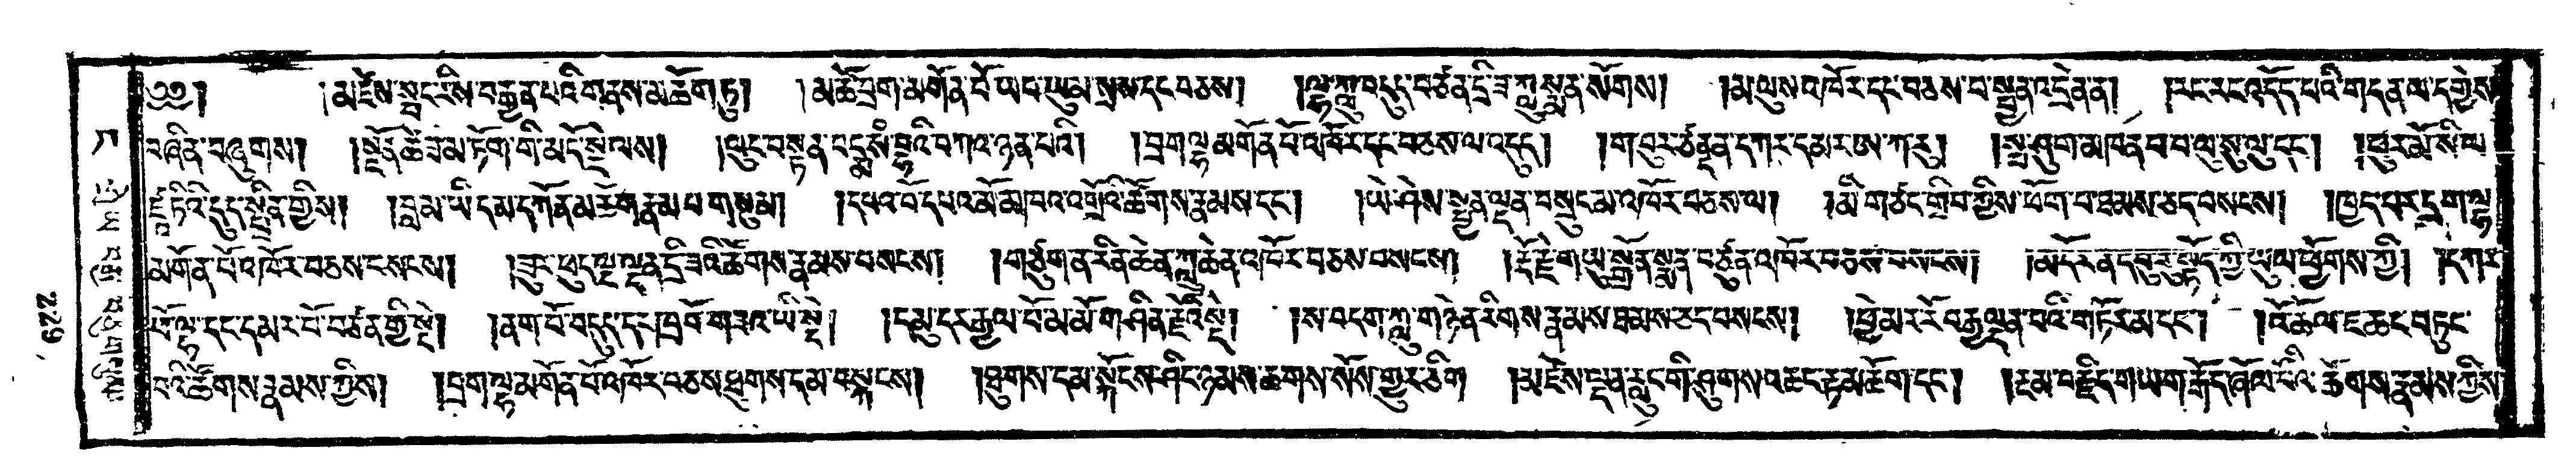༄༅། །མཛེས་སྦང་རིས་བརྒྱན་པའི་གནས་མཆོག་ཏུ། །མཚོ་བྲག་མགོན་བོ་ཡབ་ཡུམ་སྲས་དང་བཅས། །ལྷ་ཀླུ་བདུད་བཙན་དྲི་ཟ་ཀླུ་སྨན་སོགས། །མ་ལུས་འཁོར་དང་བཅས་བ་སྤྱན་འདྲེན་ན། །རང་རང་འདོད་པའི་གདན་ལ་དགྱེས་
བཞིན་བཞུགས། །སྔོན་ཚེ་ཟ་མ་ཏོག་གི་མདོ་སྡེ་ལས། །ལུང་བསྟན་པདམ་སཾ་བྷའི་བཀའ་ཉན་པའི། །བྲག་ལྷ་མགོན་པོ་འཁོར་དང་བཅས་ལ་འདུད། །ག་བུར་ཙནྡན་དཀར་དམར་ཨ་ཀ་རུ། །སྤ་ཤུག་མཁན་བ་བ་ལུ་སུ་ལུ་དང་། །ཕུར་མོ་སིལ་
ཛཱ་ཏིའི་དུད་སྤྲིན་གྱིས། །བླ་མ་ཡི་དམ་དཀོན་མཆོག་རྣམ་པ་གསུམ། །དཔའ་བོ་དཔའ་མོ་མཁའ་འགྲོའི་ཚོགས་རྣམས་དང་། །ཡེ་ཤེས་སྤྱན་ལྡན་བསྲུང་མ་འཁོར་བཅས་ལ། །མི་གཙང་གྲིབ་ཀྱིས་ཕོག་བ་ཐམས་ཅད་བསངས། །ཁྱད་པར་དྲག་ལྷ་
མགོན་པོ་འཁོར་བཅས་བསངས། །ཟུར་ཕུད་ལྔ་ལྡན་དྲི་ཟའི་ཚོགས་རྣམས་བསངས། །གཙུག་ན་རིན་ཆེན་ཀླུ་ཆེན་འཁོར་བཅས་བསངས། །རྡོ་རྗེ་གཡུ་སྒྲོན་སྨན་བཙུན་འཁོར་བཅས་བསངས། །མདོར་ན་དབུ་རུ་སྟོད་ཀྱི་ཡུལ་ཕྱོགས་ཀྱི། །དཀར་
ཕོ་ལྷ་དང་དམར་པོ་བཙན་གྱི་སྡེ། །ནག་པོ་བདུད་དང་ཁྲ་བོ་གཟའ་ཡི་སྡེ། །དམུ་དར་རྒྱལ་པོ་མ་མོ་གཤིན་རྗེའི་སྡེ། །ས་བདག་ཀླུ་གཉེན་རིགས་རྣམས་ཐམས་ཅད་བསངས། །ཕྱེ་མར་རོ་བརྒྱ་ལྡན་བའི་གཏོར་མ་དང་། །འོ་ཆོལ་ཇ་ཆང་བཏུང་
བའི་ཚོགས་རྣམས་ཀྱིས། །བྲག་ལྷ་མགོན་པོ་འཁོར་བཅས་ཐུགས་དམ་བསྐངས། །ཐུགས་དམ་སྐོངས་ཤིང་ཉམས་ཆགས་སོས་གྱུར་ཅིག །མཛེས་ལྡན་རླུང་གི་ཤུགས་འཆང་རྟ་མཆོག་དང་། །རྔམ་བརྗིད་གཡག་རྒོད་ཞོལ་པོའི་ཚོགས་རྣམས་ཀྱིས་